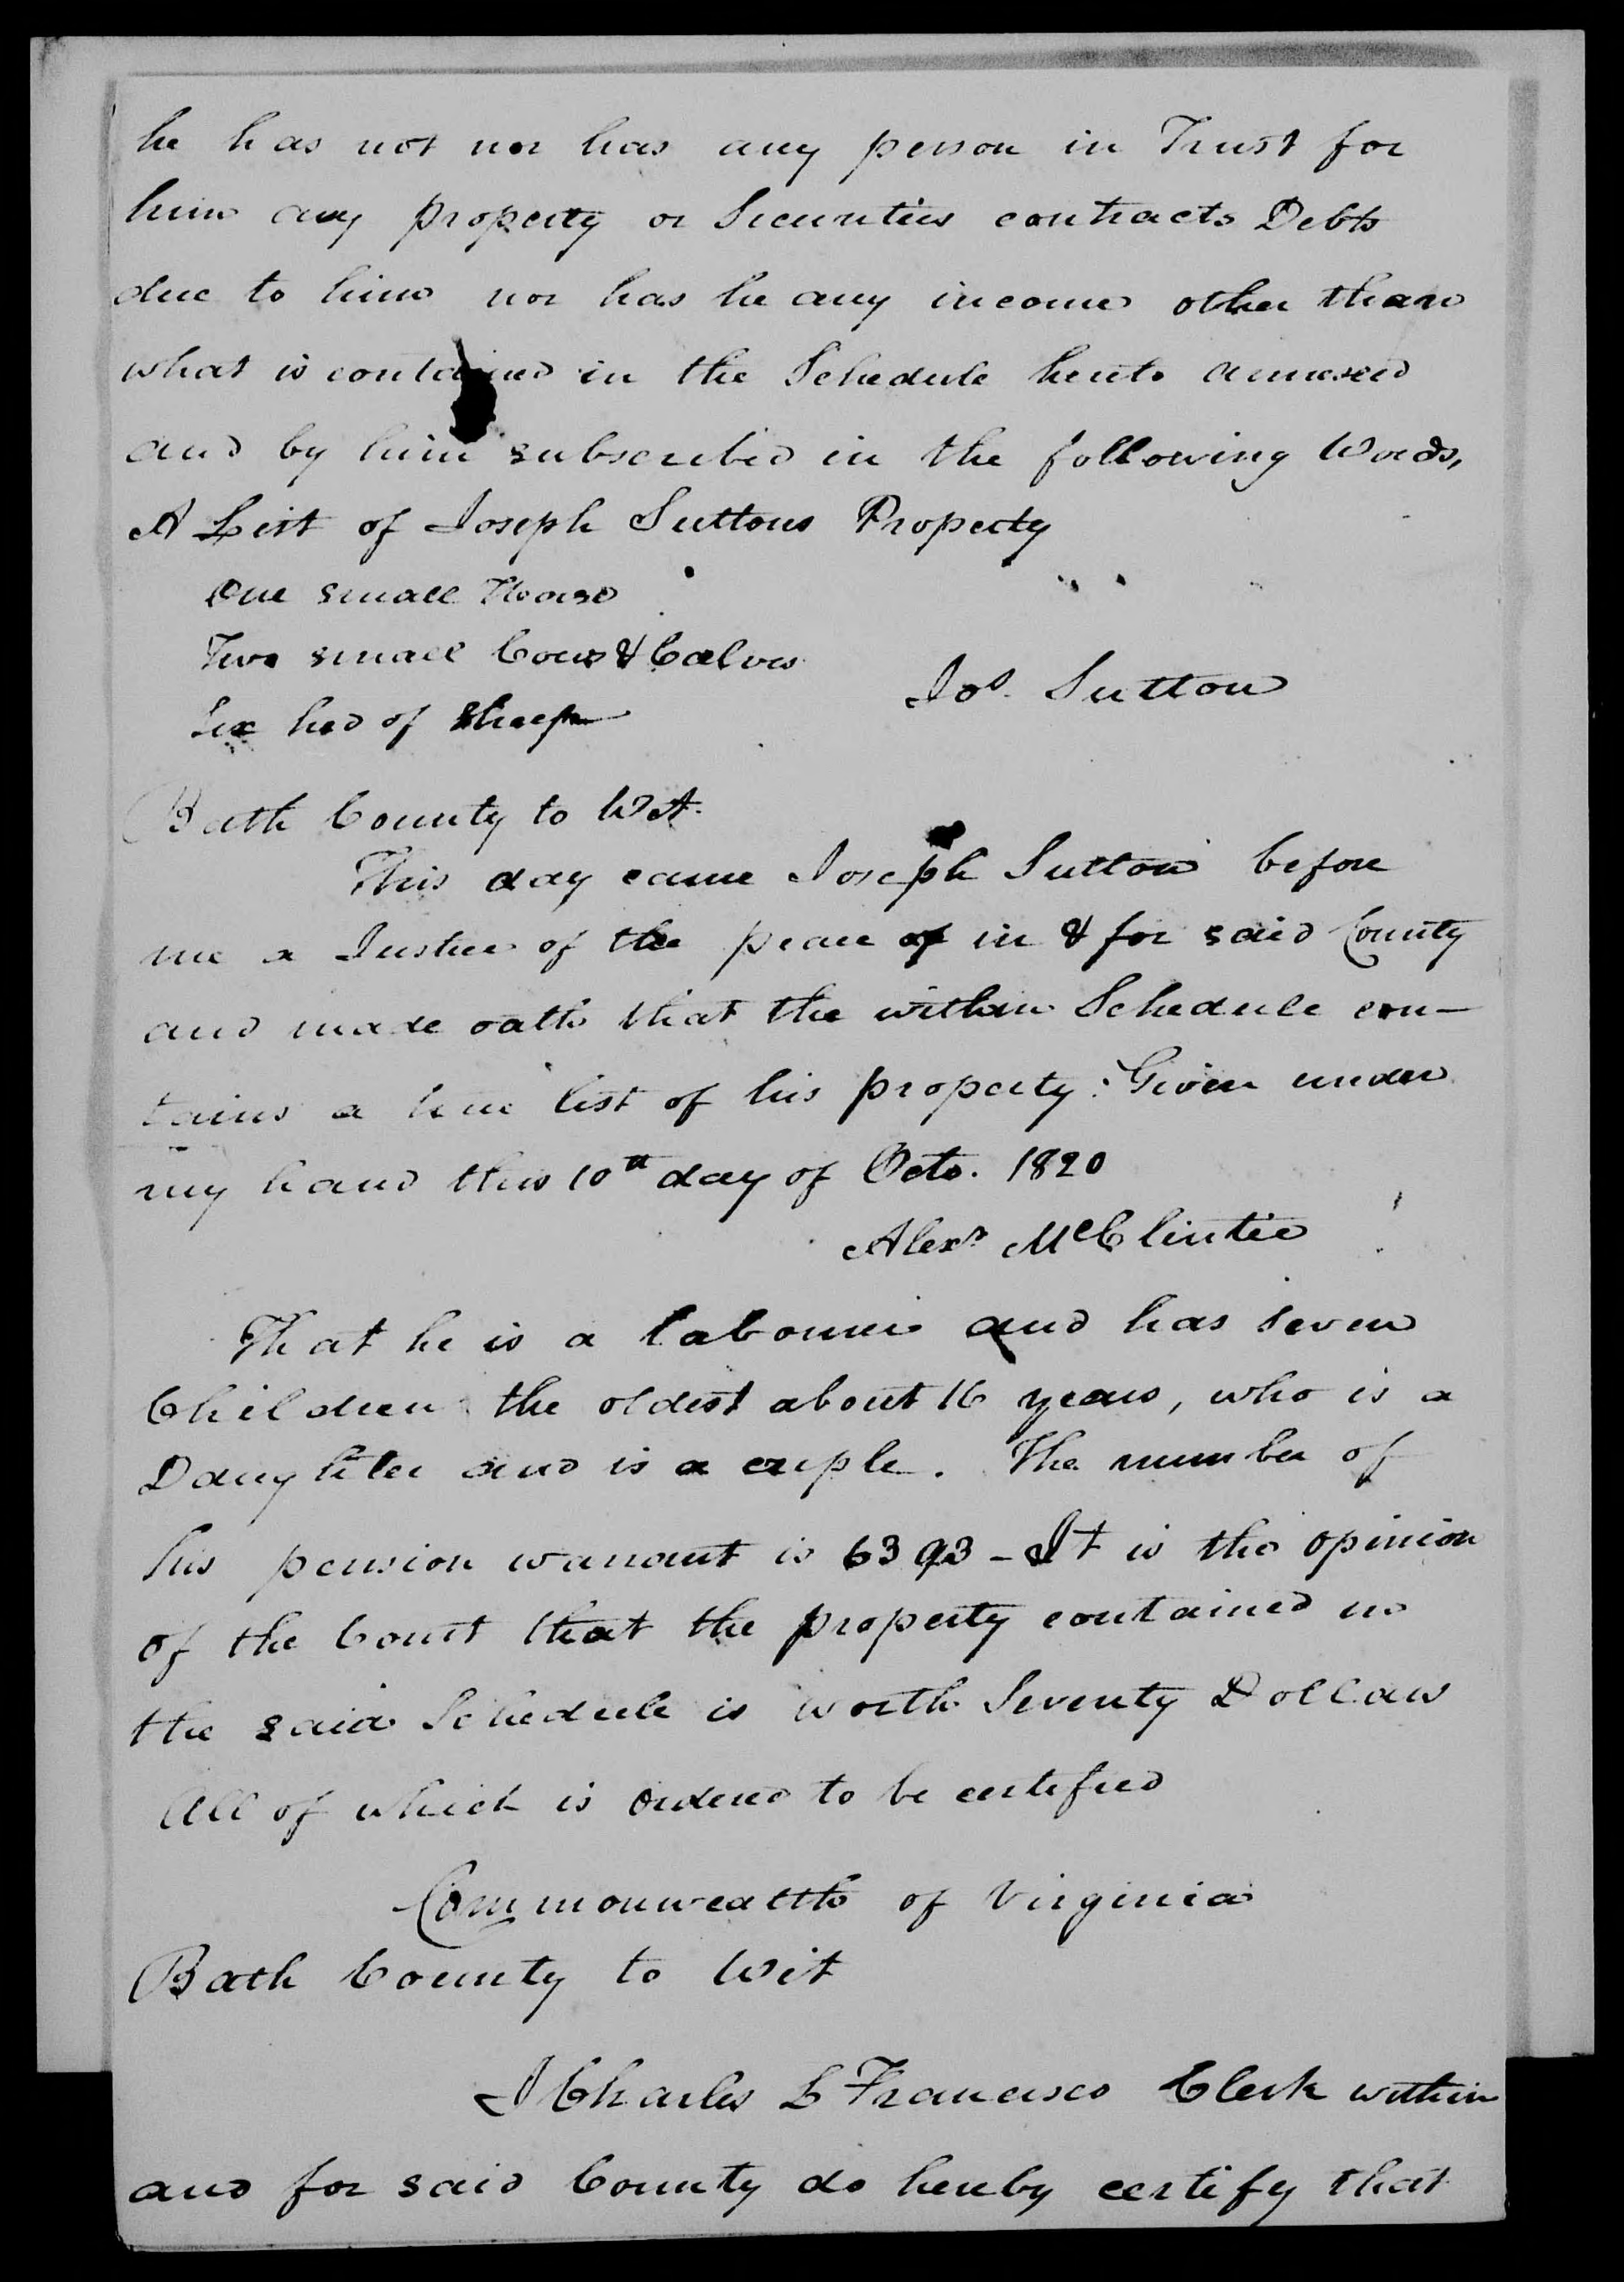he was not nor has any person in trust for him any property or securities contracts debts due to him nor has he any income other than what is contained in the schedule hereto named and by him subscribed in the following words a list of Joseph Sutton property
One small horse
Two small cows & 
Two head of sheep
Joseph Sutton
Bath County to wit
This day came Joseph Sutton before me a Justice of the peace of in & for said county and made oath that the within schedule contain a said list of his property Given under my hand  this 10th day of October 1820
Alexander McClinton
That he is a laborer and has seven children the oldest about 16 years who is a day labor and is a couple. The number o his pension warrant is 6393. It is the opinion of the court that the property contained in the said schedule is worth seventy dollars all of which is ordered to be certified.
Commonwealth of Virginia
Bath County to wit
I Charles L. Francis clerk within and for said county do hereby certify that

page: 5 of 21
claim: survivor's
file: S. 41223, for Joseph Sutton, Virginia